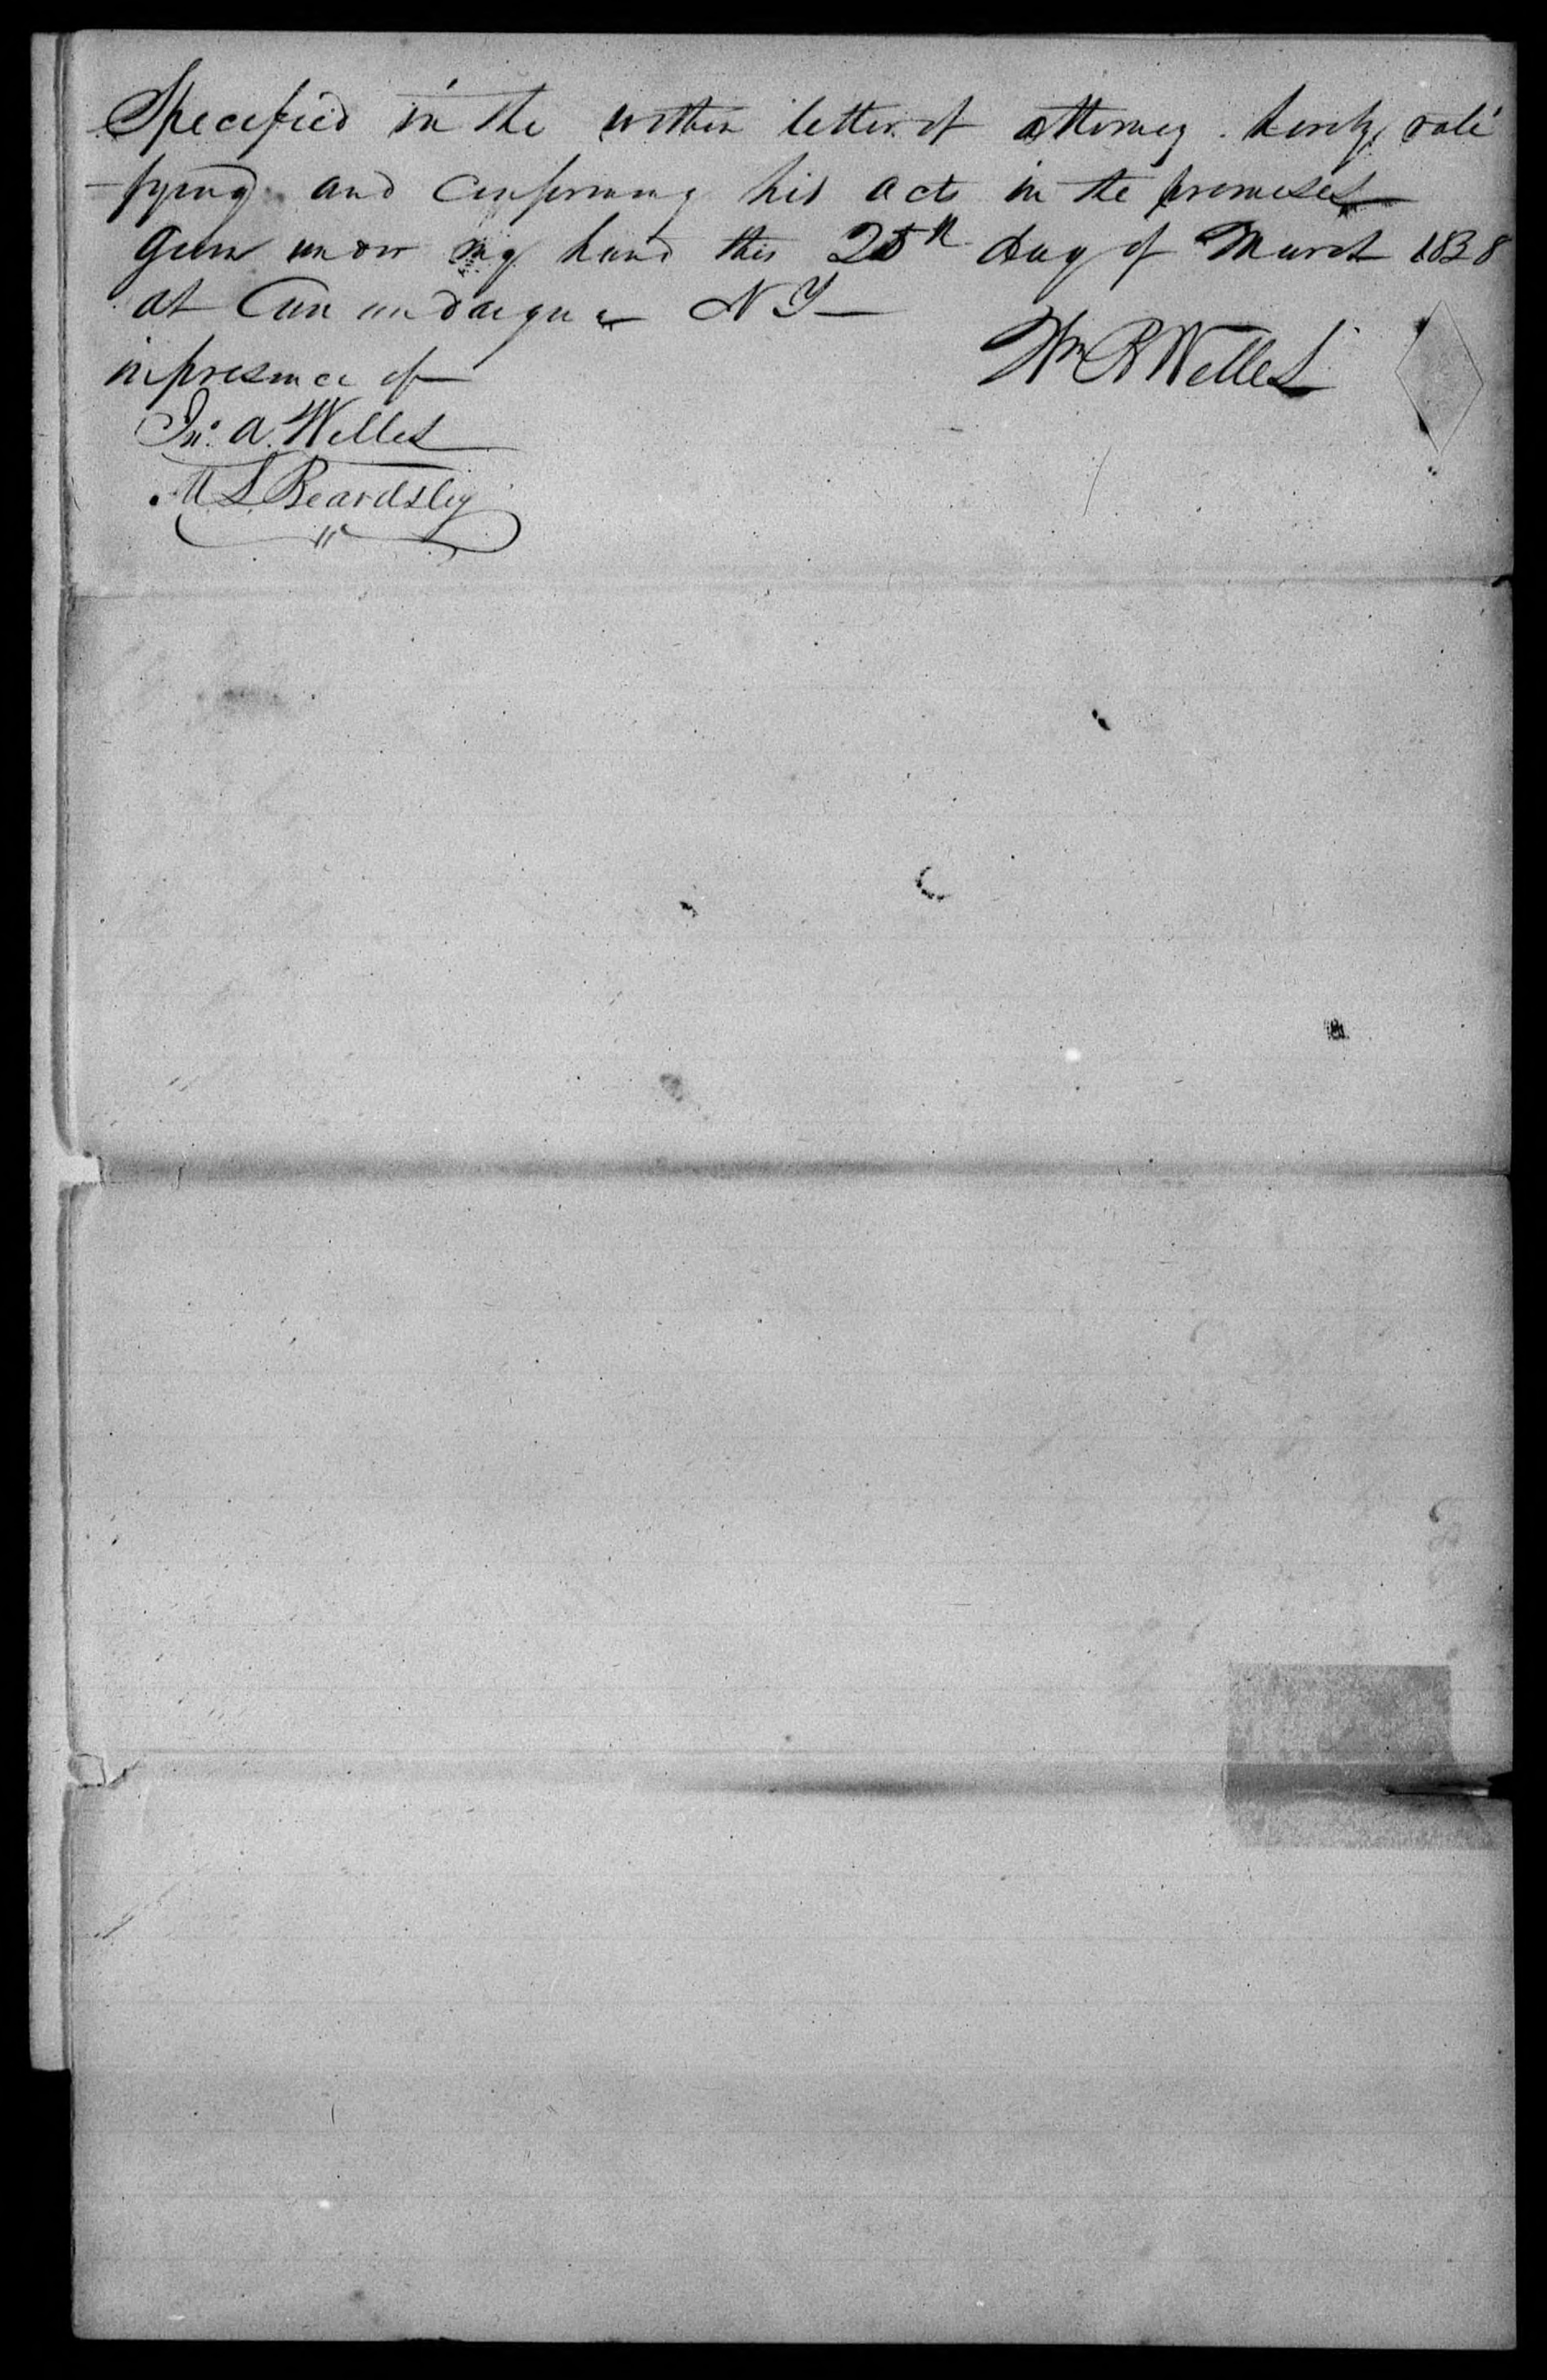Specified in the within letter of attorney hereby verifying and confirming his act in the promises given under my hand this 25th day of March 1838 at Canandaigua NY-

Wm B Welles

in presence of
Jno A Welles
A S Beardsley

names: A S Beardsley, Wm B Welles, Jno A Welles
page: 20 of 31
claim: survivor's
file: S. 43672, Thomas Hill, New York